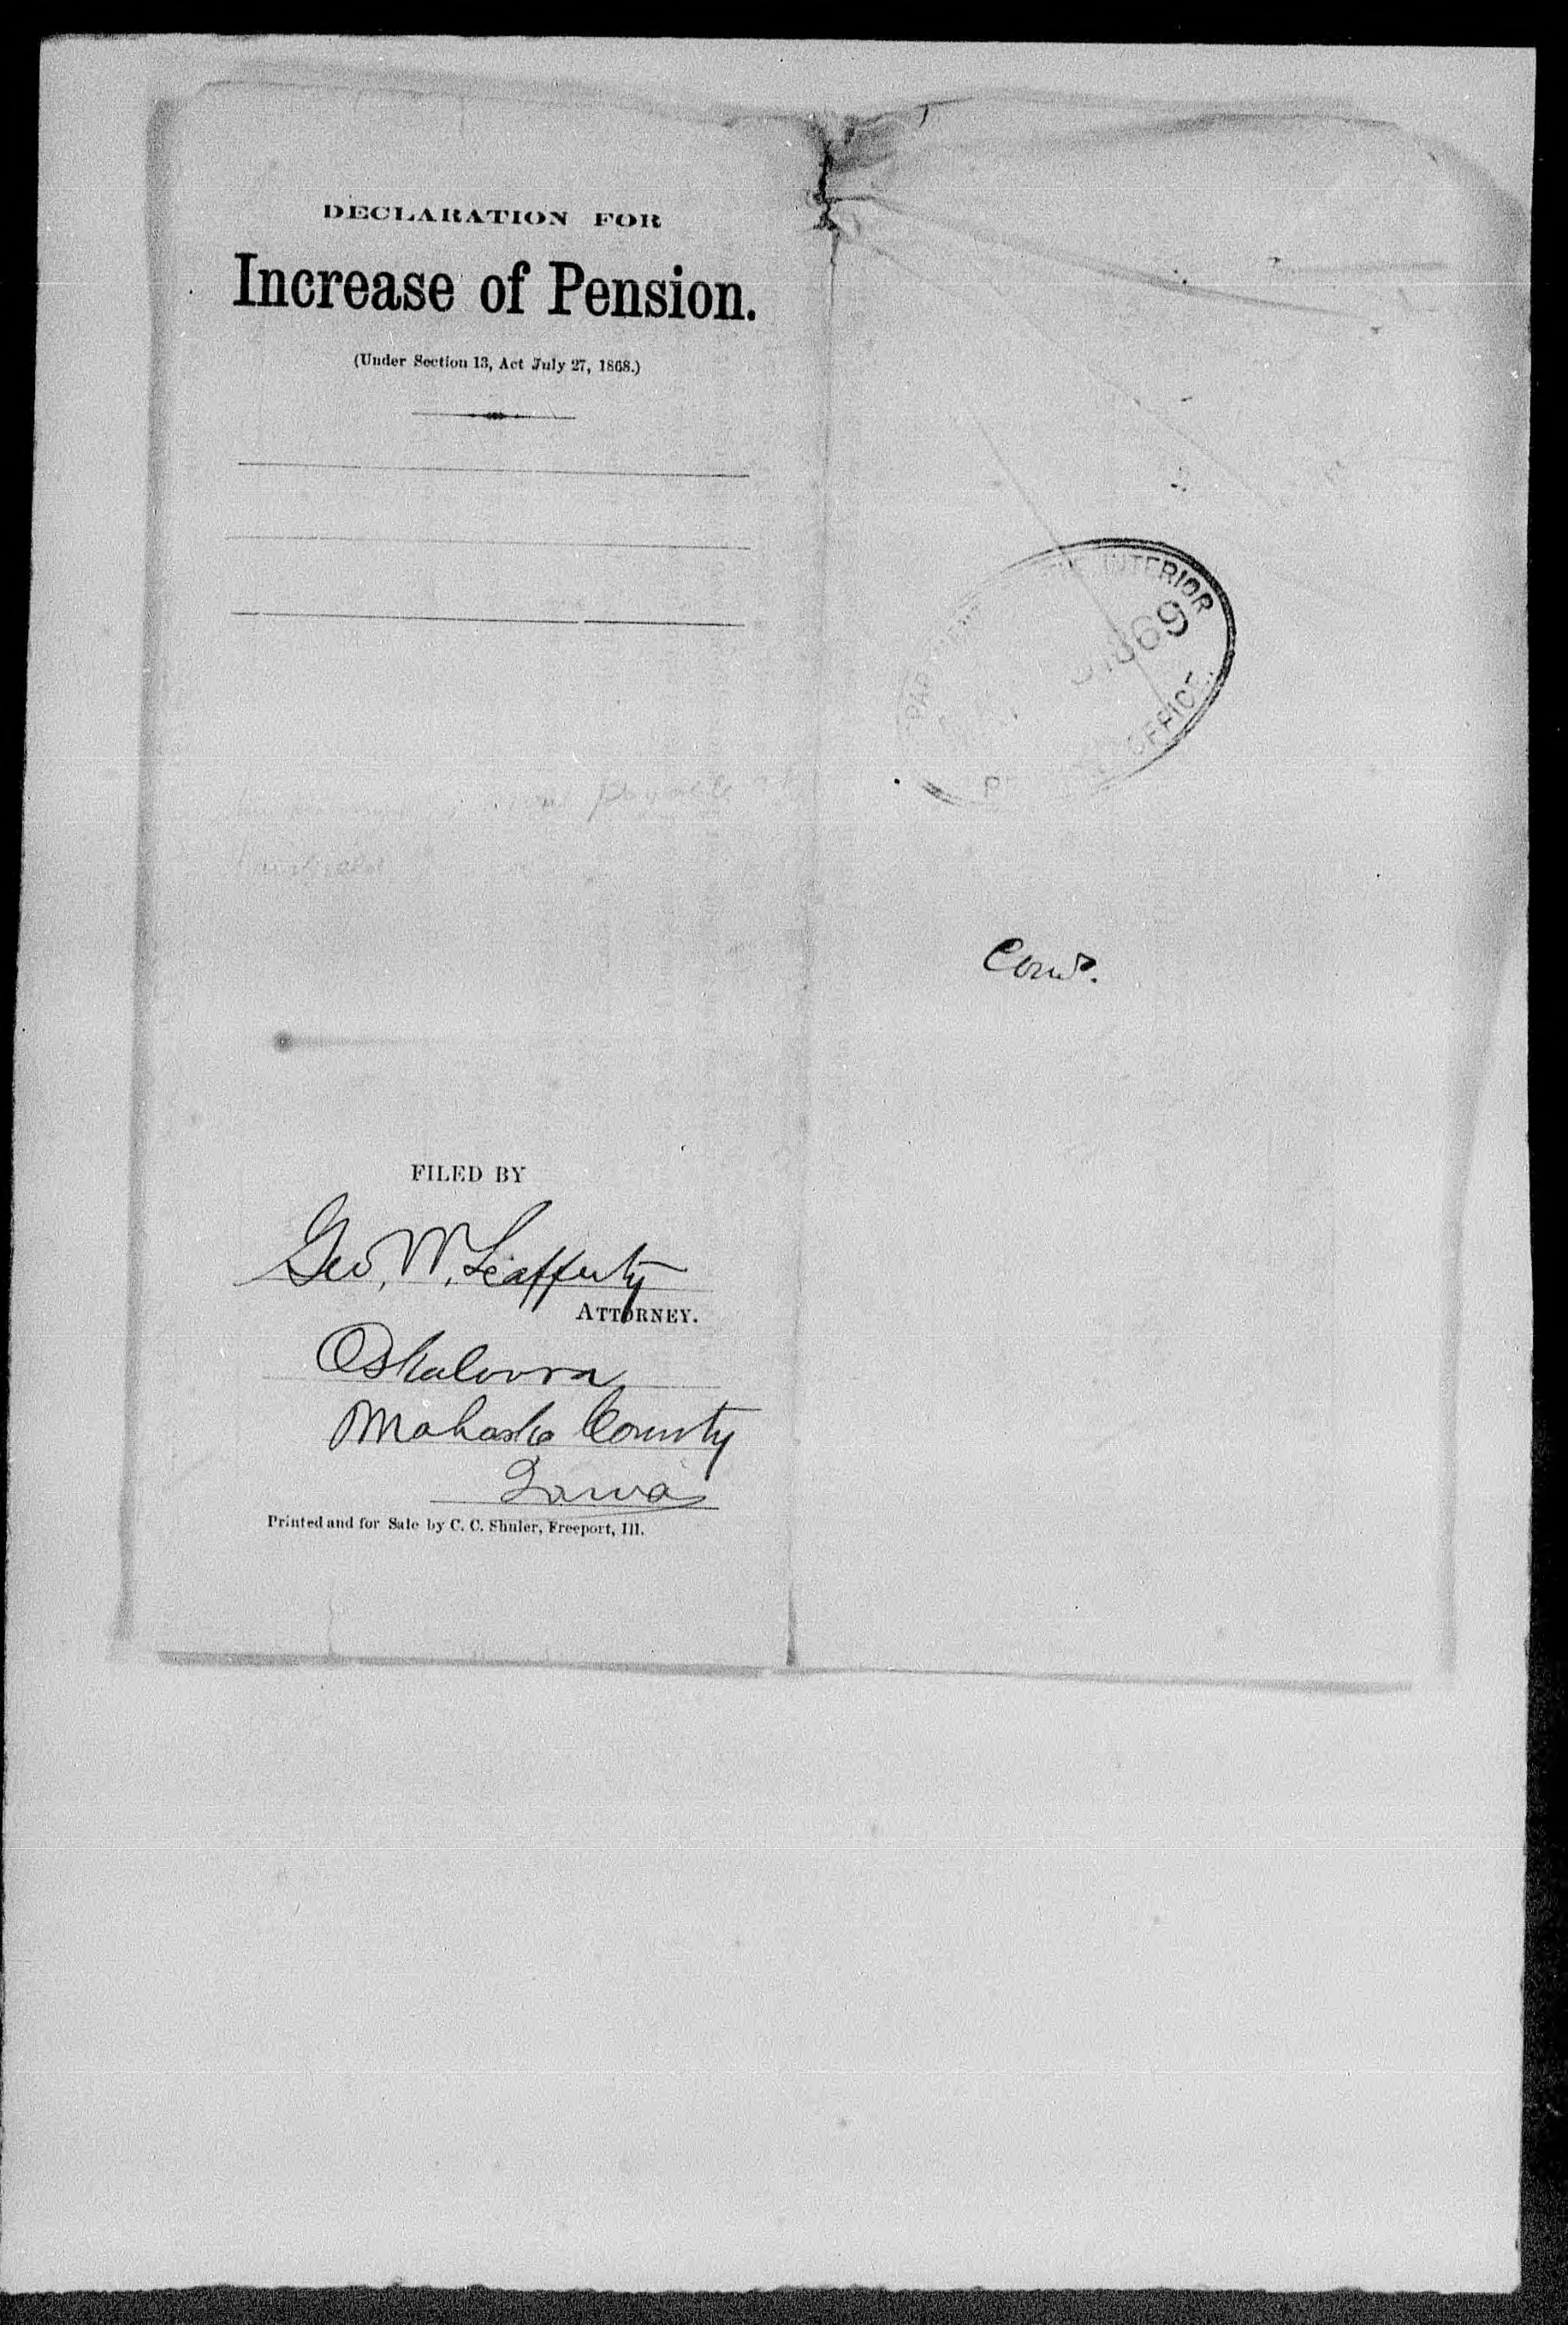DECLARATION FOR
Increase of Pension.
(Under Section 18, Act July 27, 1868.)
---
[Illegible] payable [Illegible]

FILED BY
Geo. W. Lafferty
ATTORNEY.
Oskaloon
Mahaska County
Iowa
Printed and for sale by C. C. Shuler, Freeport, Ill.

[Departmental Stamp]
DEPARTMENT OF THE INTERIOR
MAY 3 1869
PENSION OFFICE

Cow.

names: Geo W Lafferty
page: 26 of 80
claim: widow's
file: W 2070, John Crawford, Penn.